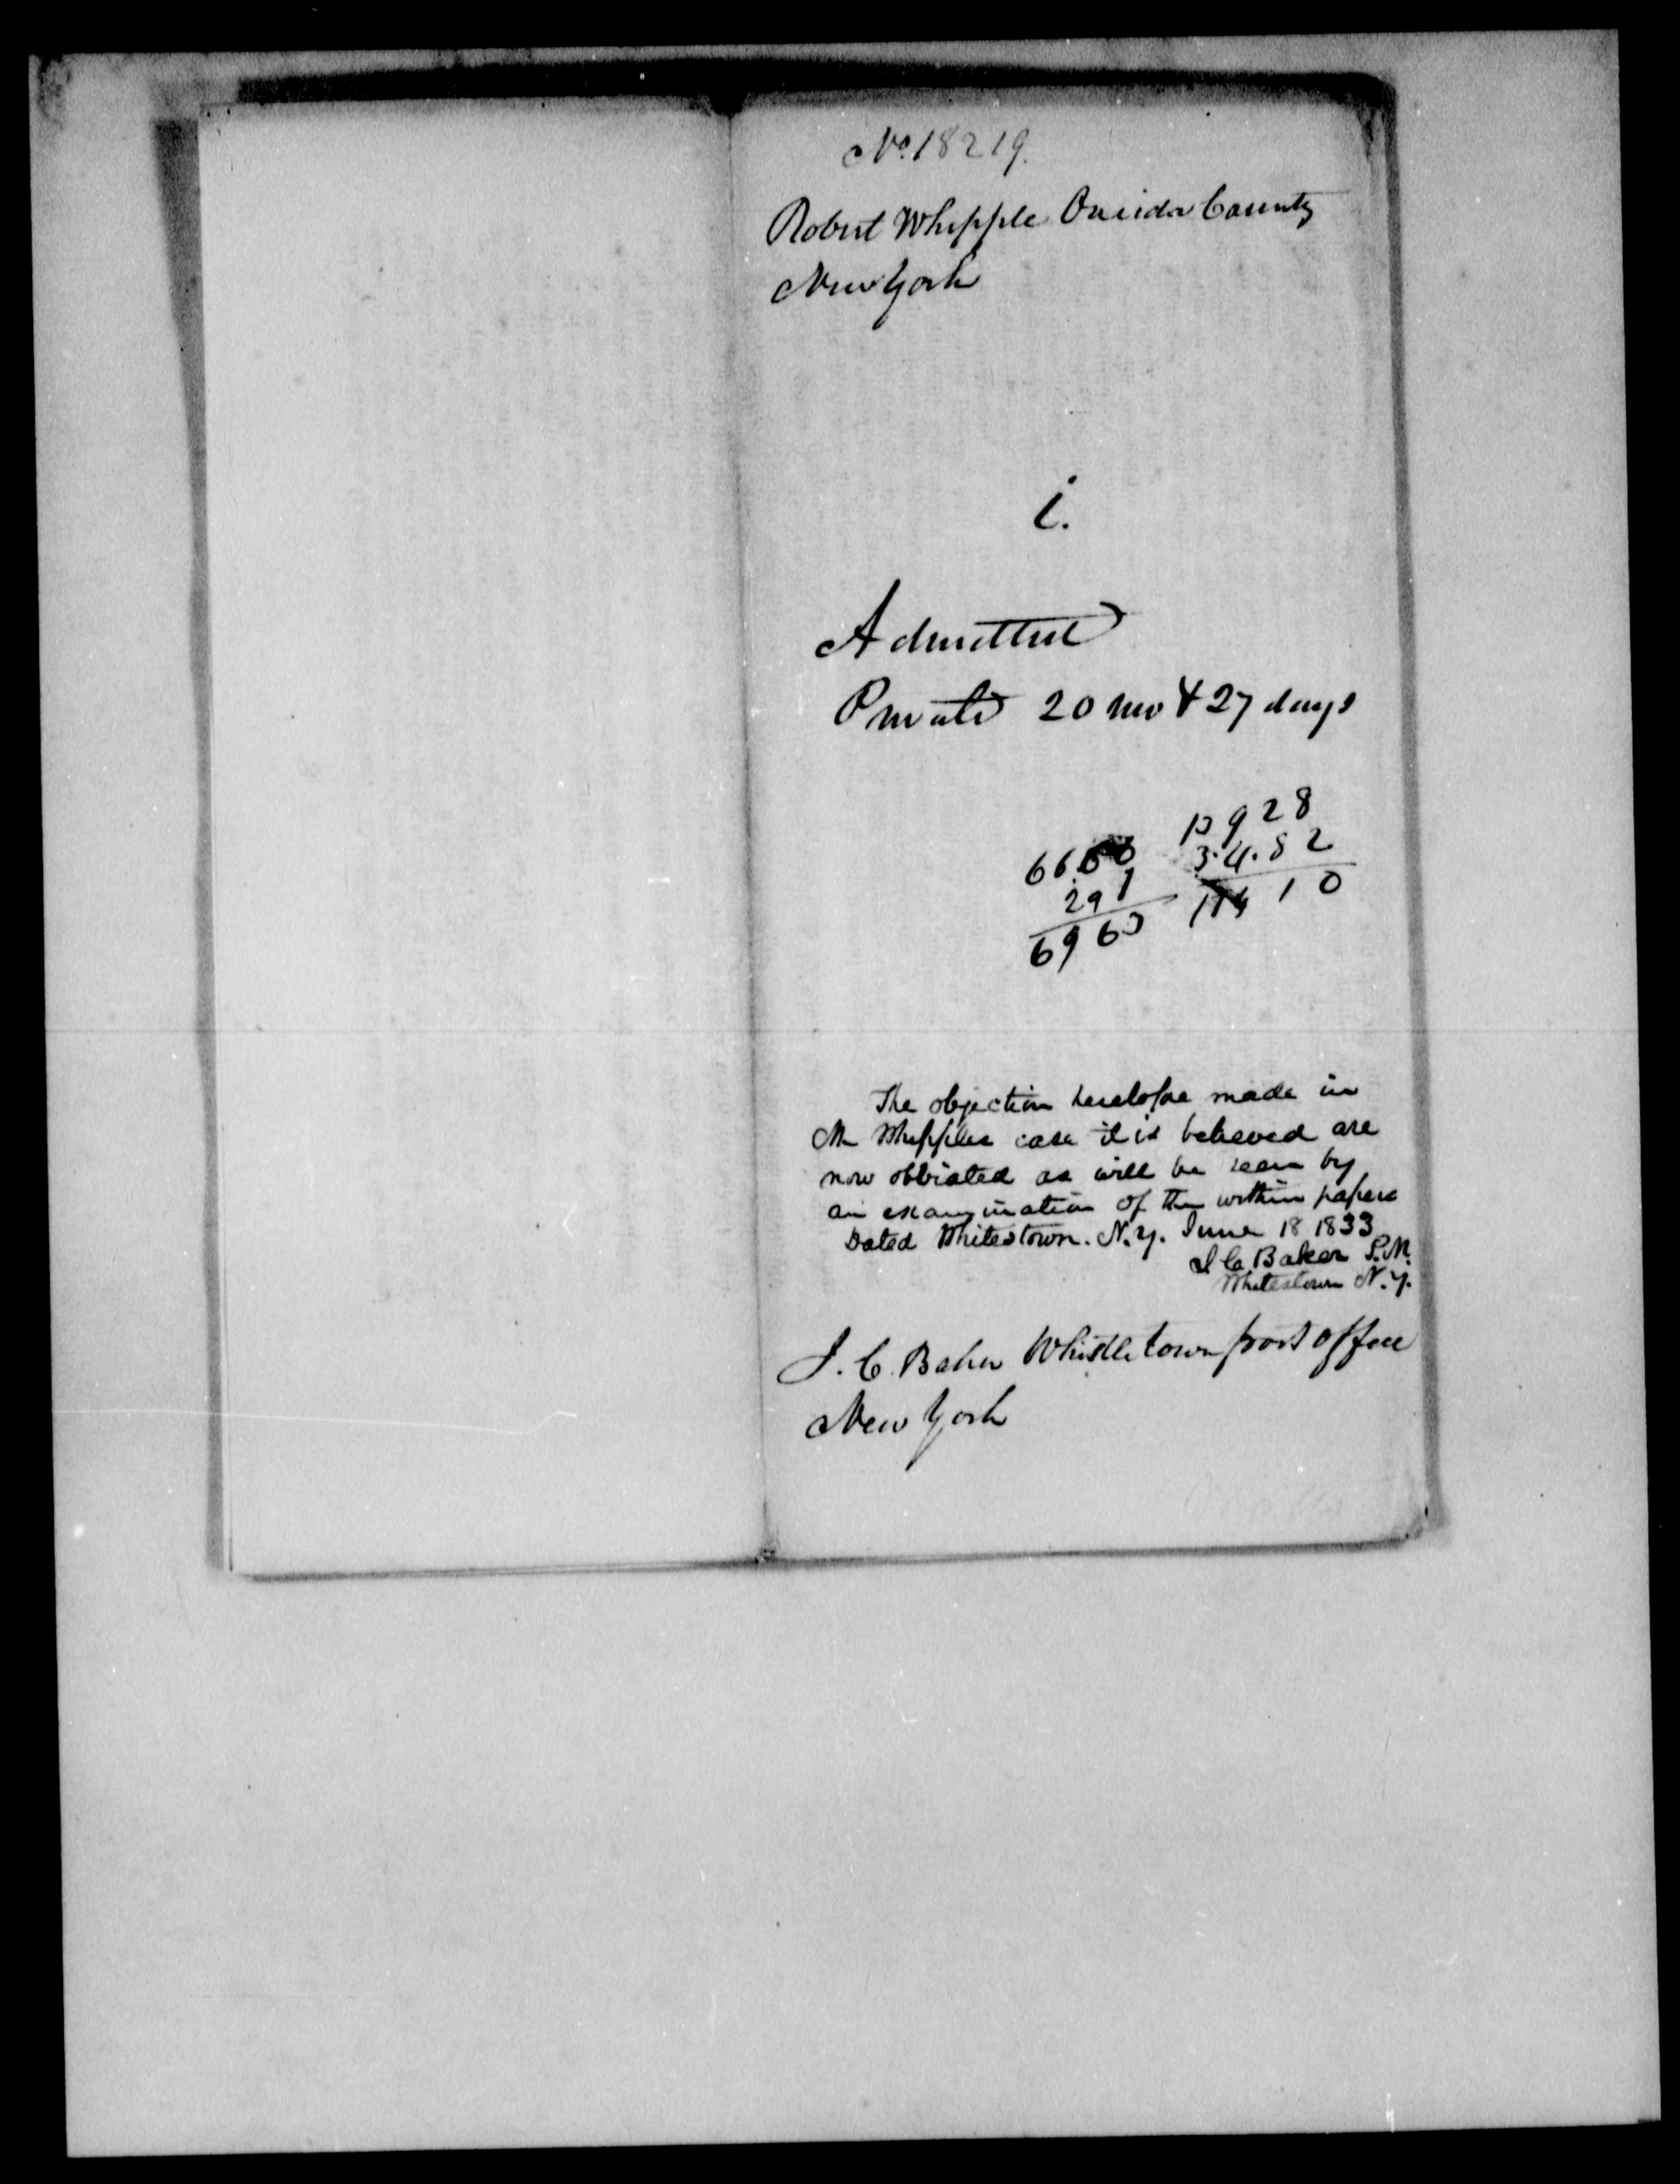No. 18219

Robert Whipple Oneida County
New York


i.

Admitted 
Private 20 mo & 27 days

The objection heretofore made in
Mr Whipples case it is believed are
now obviated as will be seen by
an examination of the within papers
Dated Whitestown, N. Y. June 18 1833
J C Baker P. M.
Whitestown N. Y.

J. C. Baker Whistletown post office
New York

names: J C Baker, Whipple, Robert Whipple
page: 14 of 18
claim: survivor's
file: S. 11731, Robert Whippel, Continental Mass R. I.